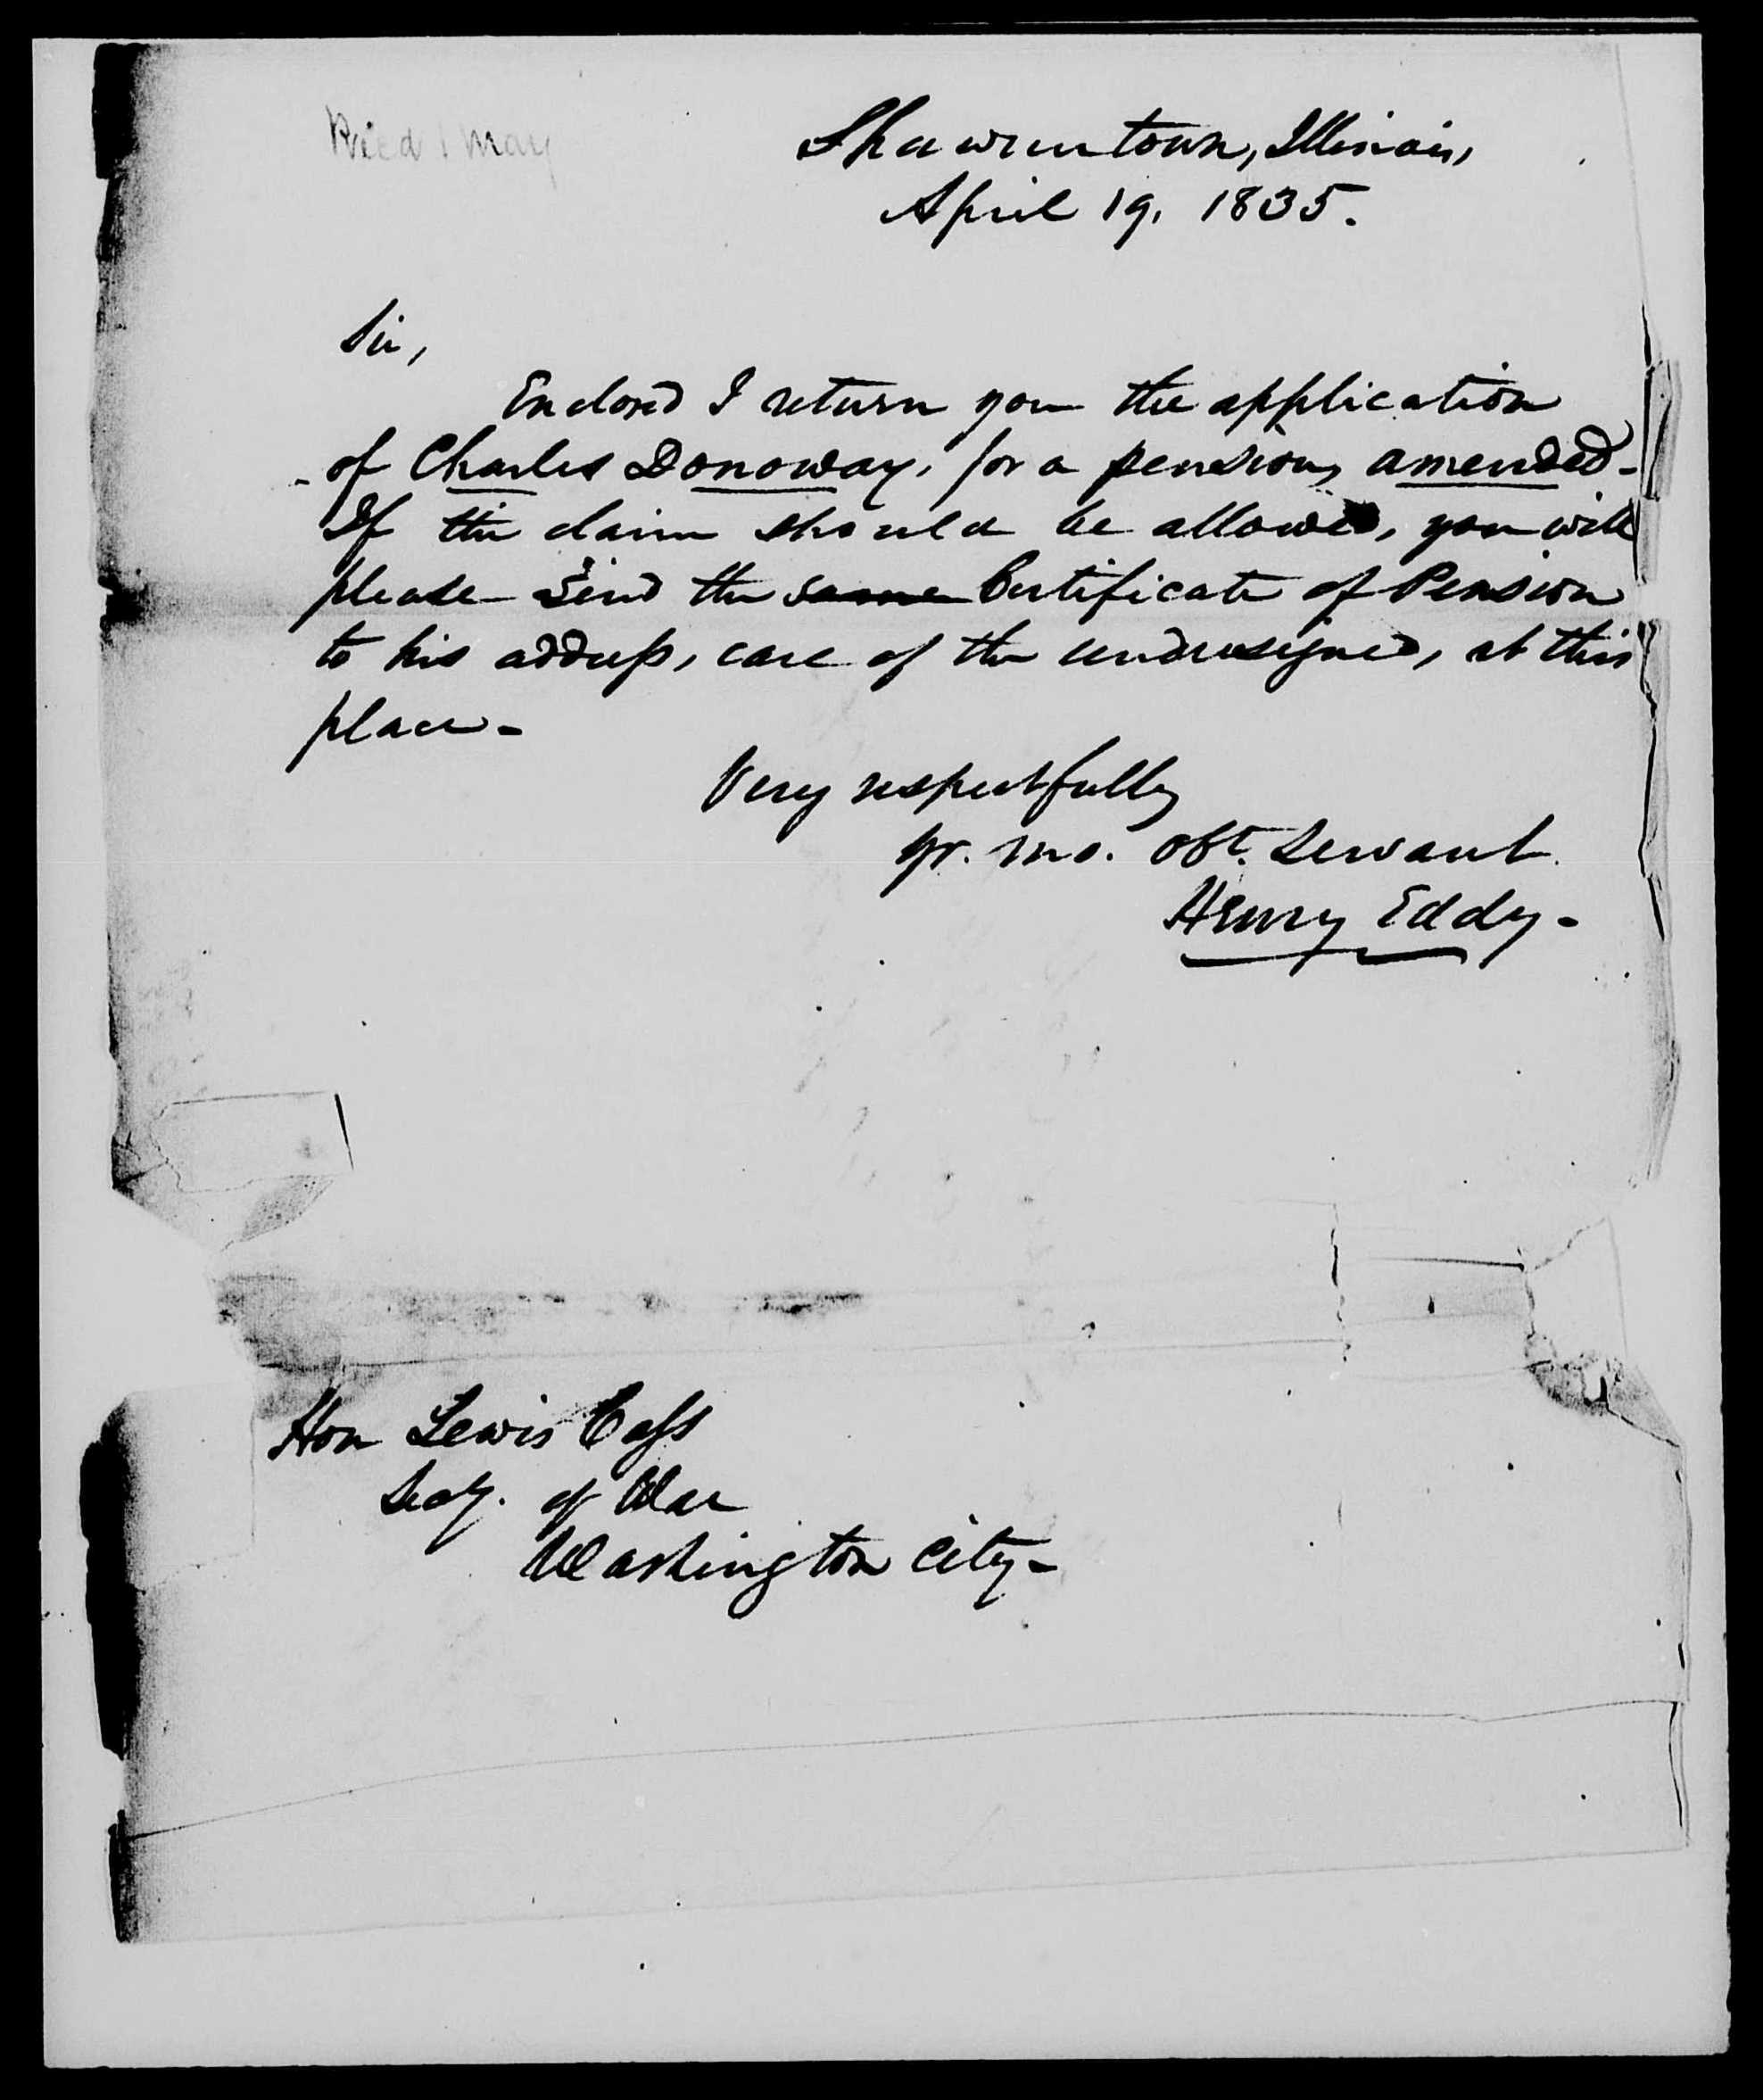Recd 1 May Shawneetown, Illinois,
April 19, 1835.
Sir,
Enclosed I return you the application of Charles Donoway, for a pension amended - If this claim should be allowed,  you will please send the Certificate of Pension to his address, care of the undersigned, at this place-
Very respectfully
Yr. Mo. Obt. Servant
Henry Eddy
Hon Lewis Cass
Secy. of War
Washington City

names: Charles Donoway, Lewis Cass, Henry Eddy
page: 23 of 29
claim: rejected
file: R. 3010, Charles Donaway, Va.